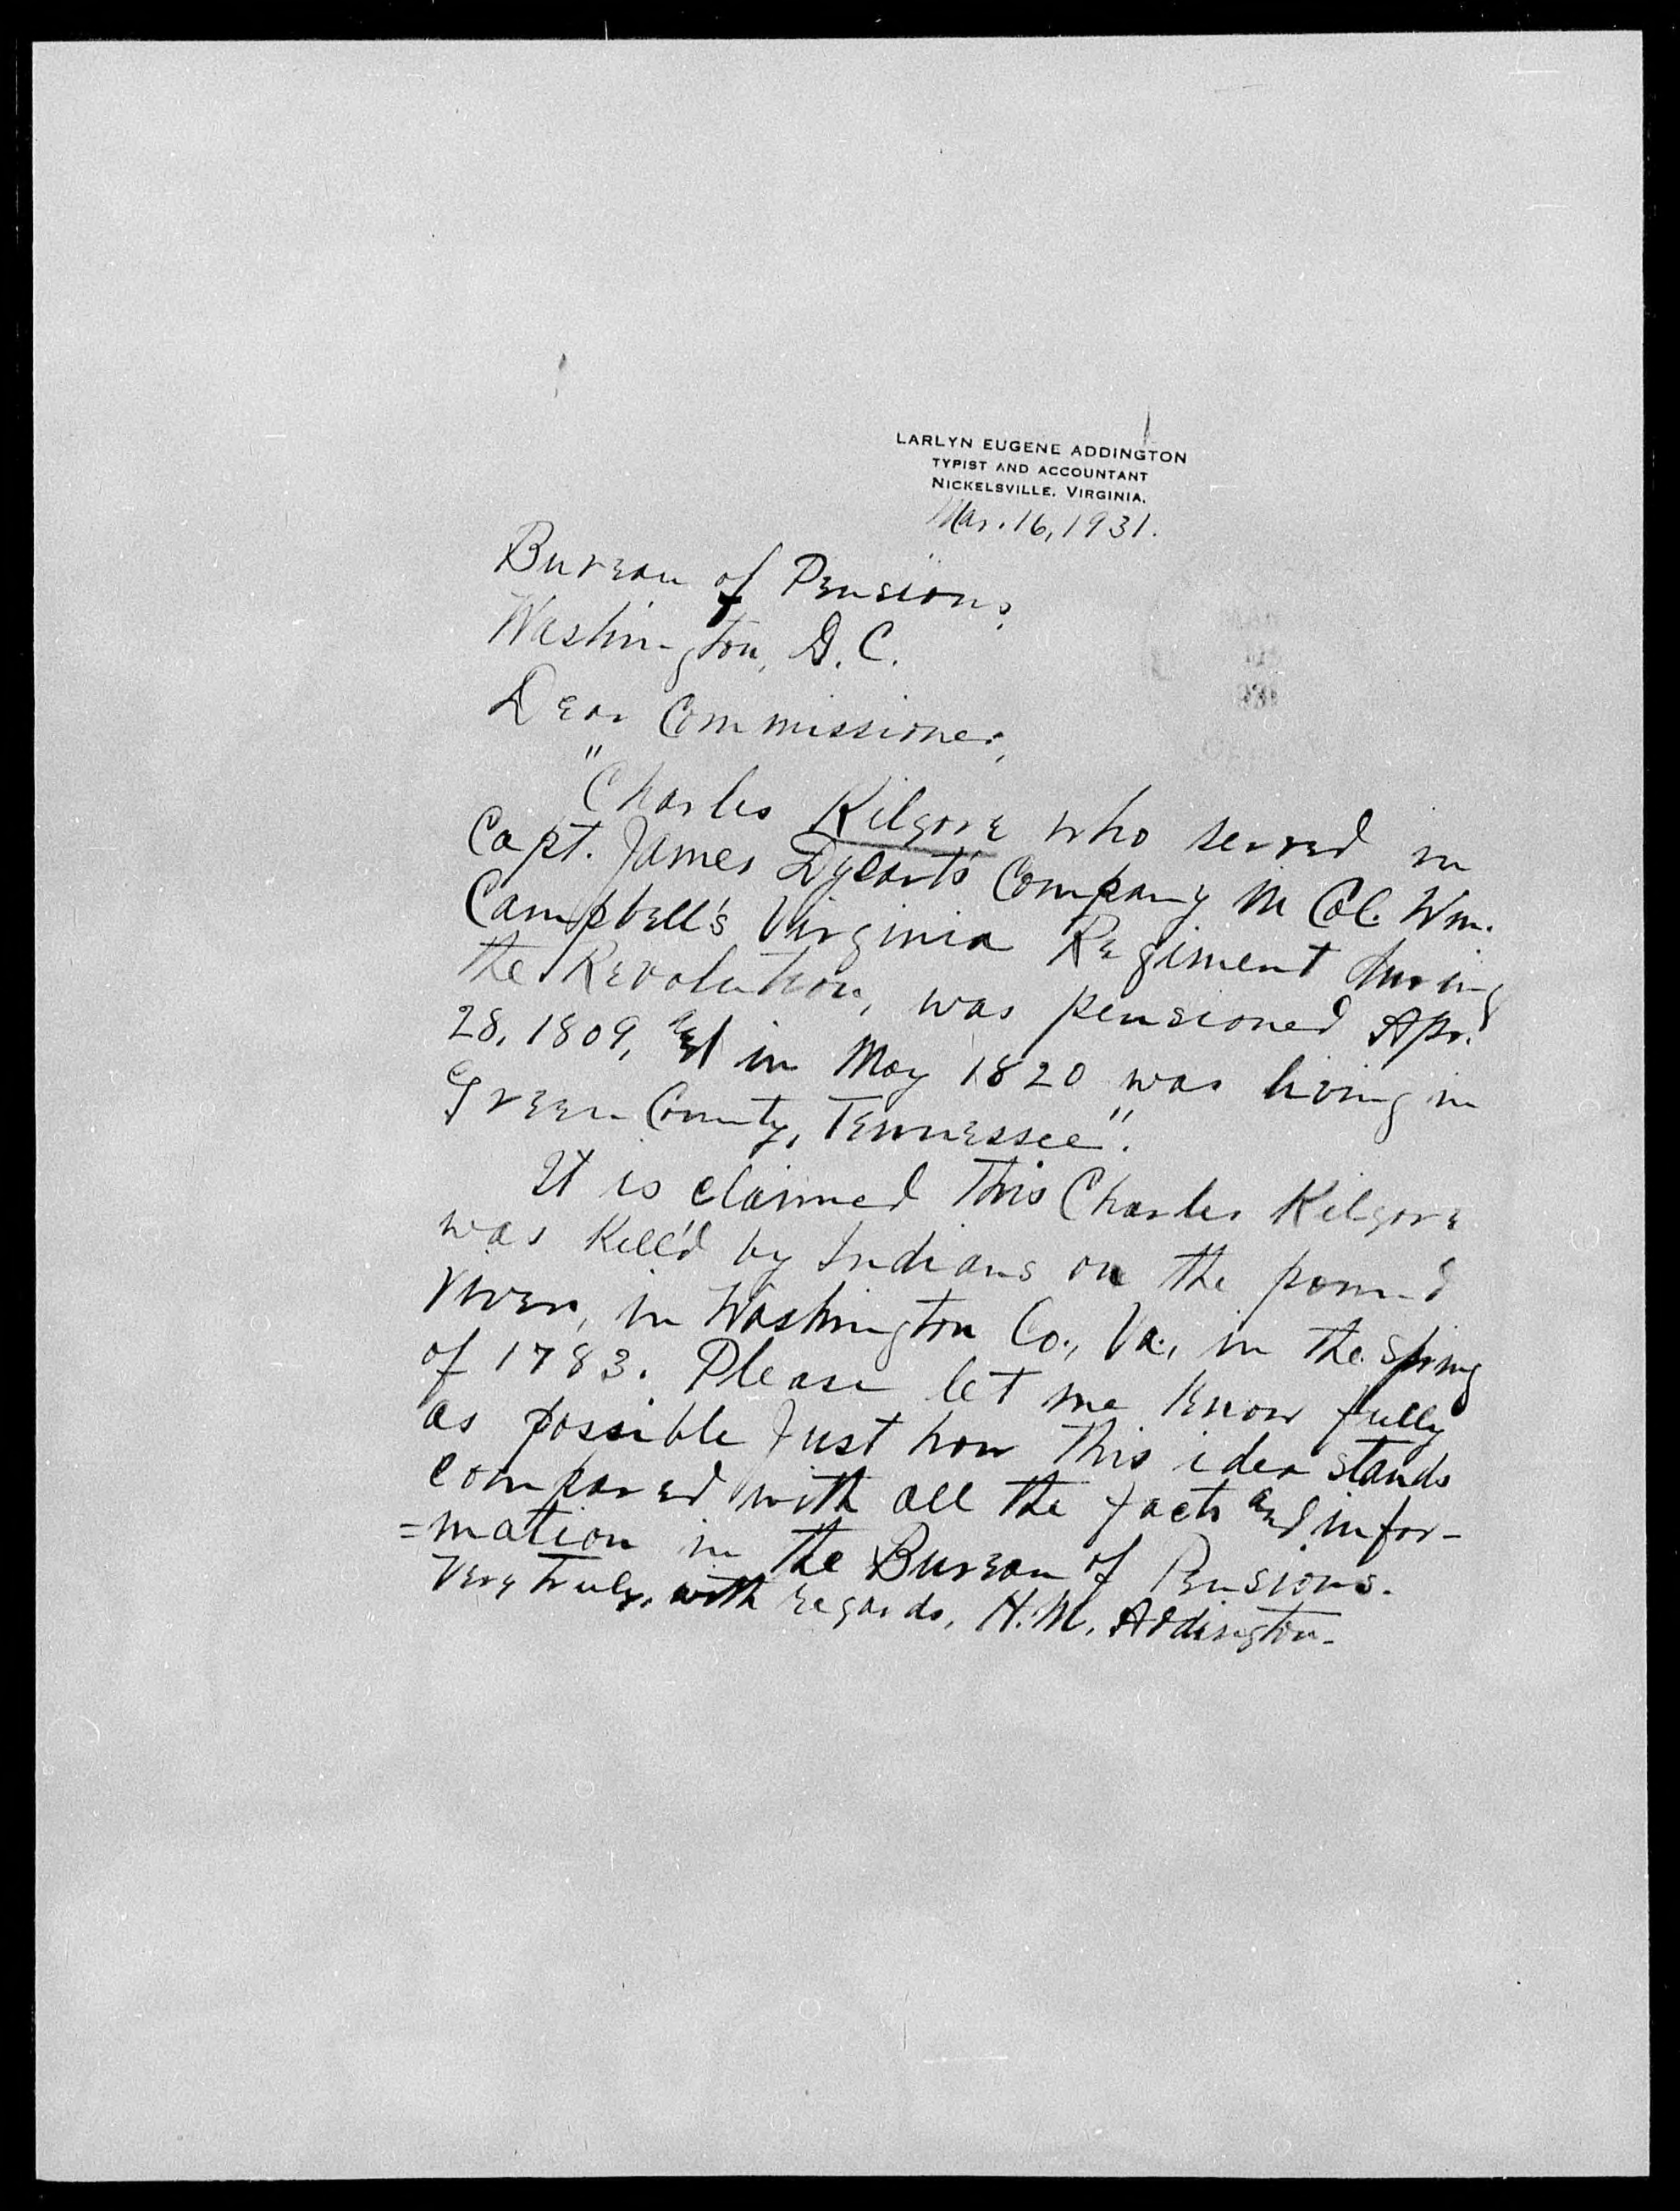LARLYN EUGENE ADDINGTON
TYPIST AND ACCOUNTANT
NICKELSVILLE, VIRGINIA.
Mar. 16, 1931.

Bureau of Pensions
Washington, D.C.

Dear Commissioner
"Charles Kilgore who served in Capt. James Dysart's Company in Col. Wm. Campbell's Virginia Regiment during the Revolution, was pensioned Apr. 28, 1809, and in May 1820 was living in Green County, Tennessee".
It is claimed this Charles Kilgore was Kill'd by Indians on the Pound river, in Washington Co. Va., in the spring of 1783. Please let me know fully as possible just how this idea stands compared with all the facts and information in the Bureau of Pensions.
Very Truly, with regards, H. M. Addington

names: Larlyn Eugene Addington; H M Addington; Charles Kilgore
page: 78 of 115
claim: survivor's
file: S. 699, for Charles Kilgore, Virginia